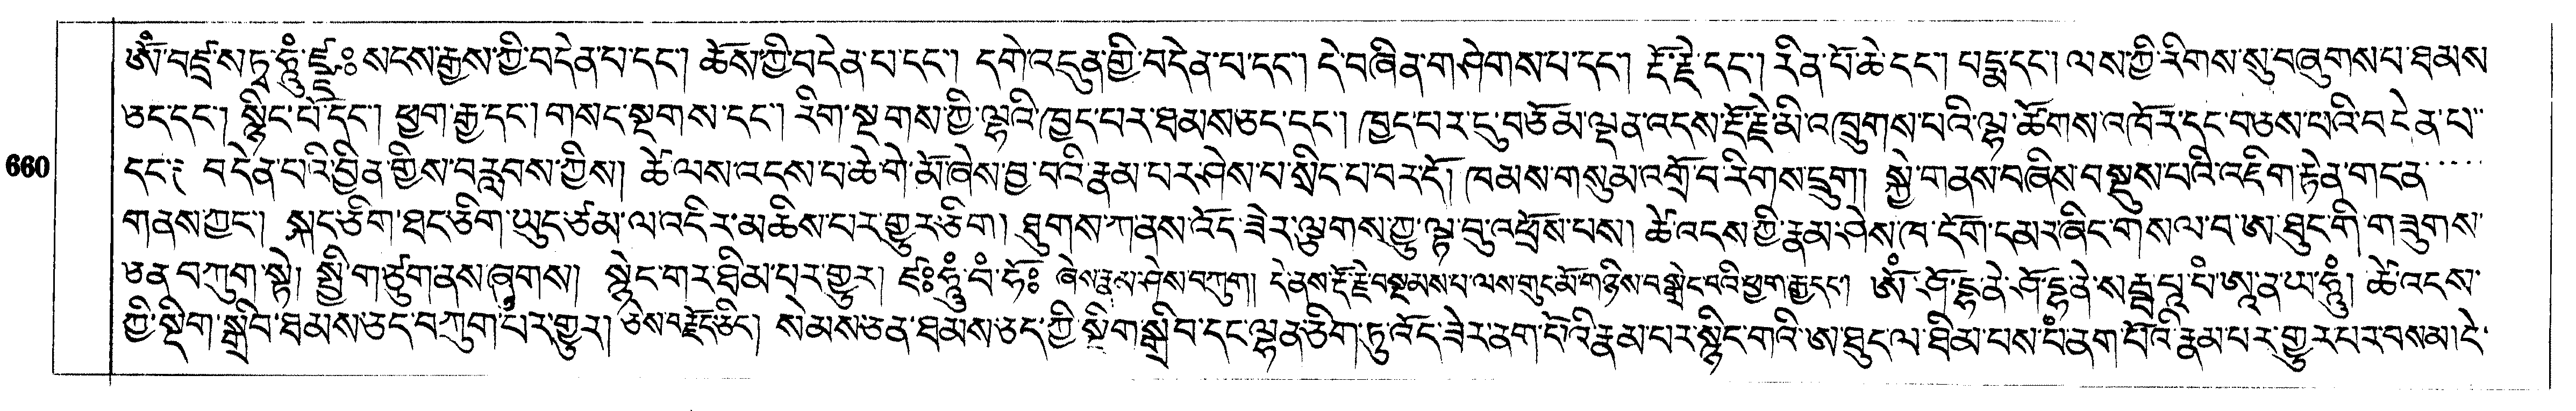ཨོཾ་བཛྲ་སཏྭ་ཧཱུཾ་ཛྫཿ སངས་རྒྱས་ཀྱི་བདེན་པ་དང་། ཆོས་ཀྱི་བདེན་པ་དང་། དགེ་འདུན་གྱི་བདེན་པ་དང་། དེ་བཞིན་གཤེགས་པ་དང་། རྡོ་རྗེ་དང་། རིན་པོ་ཆེ་དང་། པདམ་དང་། ལས་ཀྱི་རིགས་སུ་བཞུགས་པ་ཐམས་
ཅད་དང་། སྙིང་པོ་དང་། ཕྱག་རྒྱ་དང་། གསང་སྔགས་དང་། རིག་སྔགས་ཀྱི་ལྷའི་ཁྱད་པར་ཐམས་ཅད་དང་། ཁྱད་པར་དུ་བཅོམ་ལྡན་འདས་རྡོ་རྗེ་མི་འཁྲུགས་པའི་ལྷ་ཚོགས་འཁོར་དང་བཅས་པའི་བདེན་པ་
དང༑ བདེན་པའི་བྱིན་གྱིས་བརླབས་ཀྱིས། ཚེ་ལས་འདས་པ་ཆེ་གེ་མོ་ཞེས་བྱ་བའི་རྣམ་པར་ཤེས་པ་སྲིད་པ་བར་དོ། ཁམས་གསུམ་འགྲོ་བ་རིགས་དྲུག། སྐྱེ་གནས་བཞིས་བསྡུས་པའི་འཇིག་རྟེན་གདན་
གནས་ཀྱང་། སྐད་ཅིག་ཐང་ཅིག་ཡུང་ཙམ་ལ་འདིར་མཆིས་པར་གྱུར་ཅིག། ཐུགས་ཀ་ནས་འོད་ཟེར་ལྕགས་ཀྱུ་ལྟ་བུ་འཕྲོས་པས། ཚེ་འདས་ཀྱི་རྣམ་ཤེས་ཁ་དོག་དམར་ཞིང་གསལ་བ་ཨ་ཐུང་གི་གཟུགས་
ཅན་བཀུག་སྟེ། སྤྱི་གཙུག་ནས་ཞུགས། སྙིང་གར་ཐིམ་པར་གྱུར། ཛཿ ཧཱུཾ་བཾ་ཧོཿ ཞེས་རྣམ་ཤེས་བཀུག། དེ་ནས་རྡོ་རྗེ་བསྔམས་པ་ལས་གུང་མོ་གཉིས་བསྒྲེང་བའི་ཕྱག་རྒྱ་དང་། ཨོཾ་ཤོ་དྷ་ནེ་ཤོ་དྷ་ནེ་སརྦྦ་པཱ་པཾ་ཨཱ་ན་ཡ་ཧཱུཾ། ཚེ་འདས་
ཀྱི་སྡིག་སྒྲིབ་ཐམས་ཅད་བཀུག་པར་གྱུར། ཅེས་བརྗོད་ཅིང་། སེམས་ཅན་ཐམས་ཅད་ཀྱི་སྡིག་སྒྲིབ་དང་ལྷན་ཅིག་ཏུ་འོད་ཟེར་ནག་པོའི་རྣམ་པར་སྙིང་གའི་ཨ་ཐུང་ལ་ཐིམ་པས་པཾ་ནག་པོའི་རྣམ་པར་གྱུར་པར་བསམ། དེ་